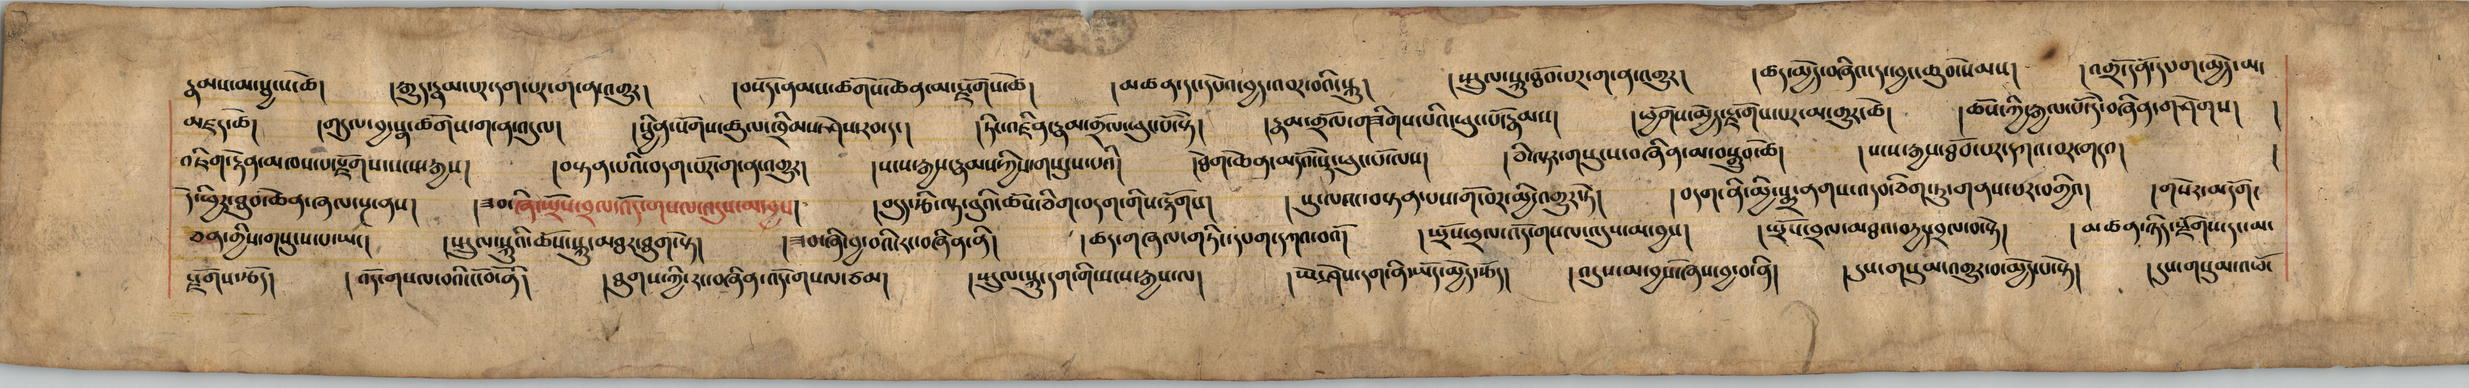རྣམས་མ་སྦྱངས་ཚེ། །རྒྱུད་རྣམ་པར་དག་པར་ག་ན་འགྱུར། །བསོད་ནམས་ཚོགས་ཆེན་མ་སྫོགས་ཚེ། །མཚན་དང་དཔེའ་བྱད་འབར་བའི་སྐུ། །སྤྲུལ་སྐུ་ཐོབ་པར་ག་ན་འགྱུར། །ཚད་མྱེད་བཞིའ་དང་བྱང་ཆུབ་སེམས། །འགྲོ་དོན་དཔག་མྱེད་མ་
མཛད་ཚེ། །གདུལ་བྱ་སྣ་ཚོགས་ག་ན་འདུལ། །སྦྱིན་སོགས་ཚུལ་ཁྲིམས་ཤེས་རབ་དང། །ཏིང་འཛིན་རྣམ་གྲོལ་ཕུང་པོ་སྟེ། །རྣམ་གྲོལ་གཟིགས་པའི་ཕུང་པོ་རྣམས། །ཕྱོགས་མྱེད་སྡོགས་པར་མ་གྱུར་ཚེ། །ཆོས་ཀྱི་རྒྱལ་པོ་དེ་བཞིན་གཤེགས།
འཇིག་རྟེན་མཁས་པ་སྫོགས་སངས་རྒྱས། །བསྟན་པའི་བདག་པོར་ག་ན་འགྱུར། །སངས་རྒྱས་རྣམས་ཀྱིས་གསུངས་པའི། །ཐེག་ཆེན་མདོའ་སྡེ་ཕུང་པོ་ལས། །ཅི་ལྟར་གསུངས་བཞཱིན་མ་བསྒྲུབ་ཚེ། །སངས་རྒྱས་ཐོབ་པར་དཀའ་བར་གདའ།
དེ་ཕྱིར་ཐུབ་ཆེན་ཞལ་སྔ་ནས། །ཟབ་ཞི་སྤྲོས་བྲལ་འོད་གསལ་འདུས་མ་བྱས། །བདུད་རྩི་ལྟ་བུའི་ཆོས་ཅིག་བདག་གིས་རྟོགས། །སུ་ལའང་བསྟན་པས་གོ་བར་མྱི་འགྱུར་ཏེ། །བདག་ནི་མྱི་སྨྲ་ནགས་འདས་ཅིག་ཏུ་གནས་པར་བགྱིའ། །གསེར་མདོག་
ཅན་གྱིས་གསུངས་པ་ཡང། །སྤྲུལ་སྐུའི་ཆོས་སྐུ་མཐར་ཐུག་སྟེ། །ཟབ་ཞི་བྱ་བའི་རང་བཞིན་ནི། །ཚད་གཞལ་གཏིང་དཔག་དཀའ་བའོ། །སྤྲོས་བྲལ་འོད་གསལ་འདུས་མ་བྱས། །སྤྲོས་བྲལ་མཐའ་བརྱད་བྲལ་བ་སྟེ། །མཚན་ཉིད་སྫོགས་དང་མ་
སྫོགས་རྩོད། །འོད་གསལ་བའི་ངོ་བོ་ནི། །ཐུགས་ཀྱི་རང་བཞིན་འོད་གསལ་ཙམ། །སྤྲུལ་སྐུ་དག་གི་སངས་རྒྱས་ལ། །ཡེ་ཤེས་དག་ནི་ཡོད་མྱེད་རྩོད། །འདུས་མ་བྱས་ཞེས་བྱ་བ་ནི། །དུས་གསུམ་འགྱུར་བ་མྱེད་པ་སྟེ། །དུས་གསུམ་འཕོ་